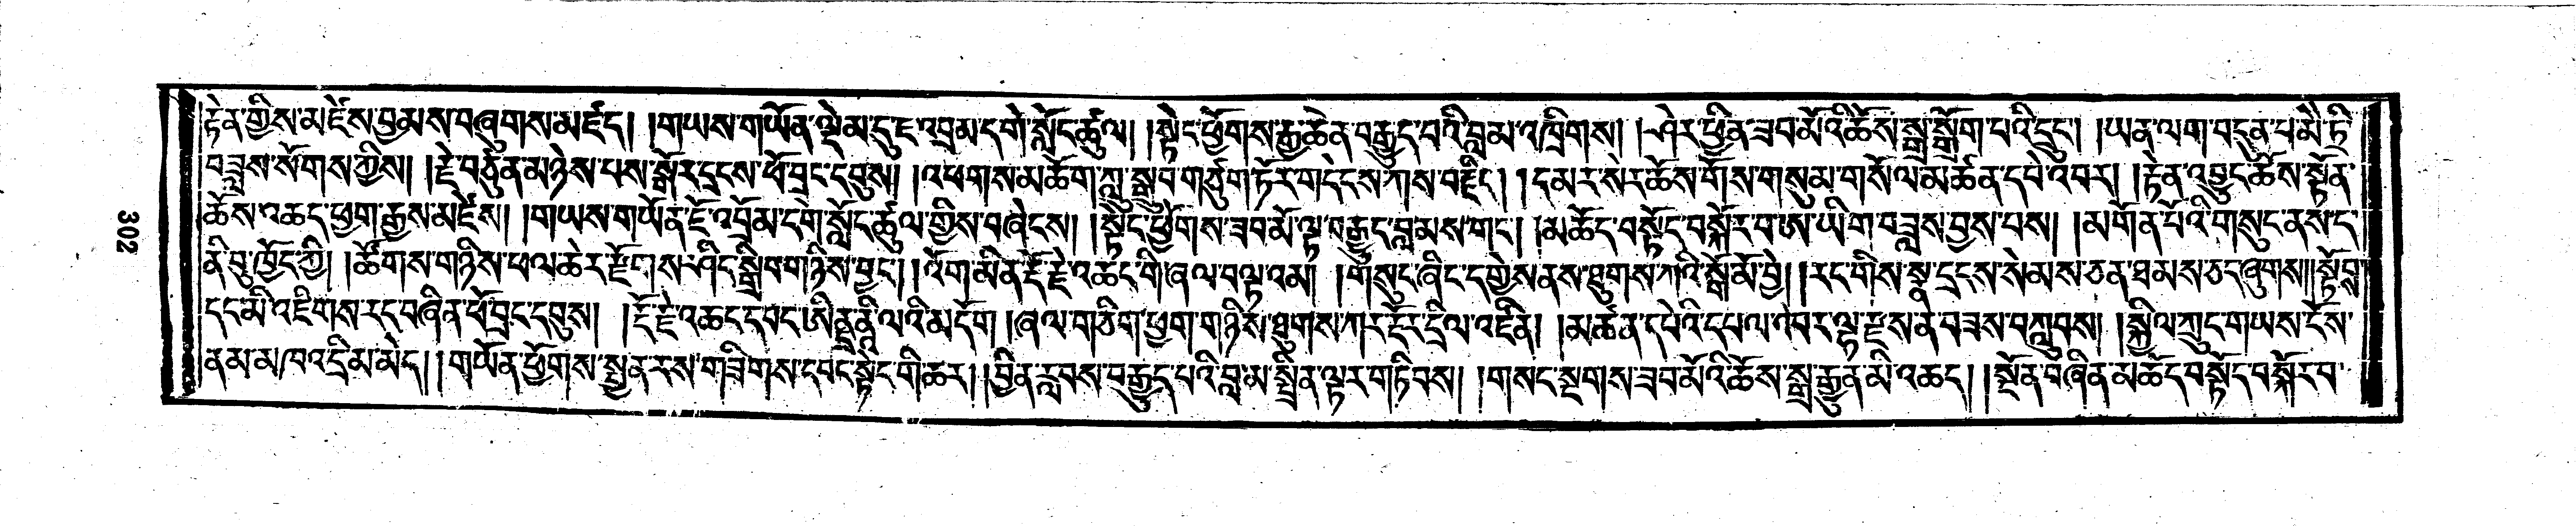རྟེན་གྱིས་མཛེས་བྱམས་བཞུགས་མཛད། །གཡས་གཡོན་ལྡེམ་དུ་ཇོ་འབྲོམ་དགེ་སློང་ཚུལ། །སྟེང་ཕྱོགས་རྒྱ་ཆེན་བརྒྱུད་པའི་བླ་མ་འཁྲིགས། །ཤེར་ཕྱིན་ཟབ་མོའི་ཆོས་སྒྲ་སྒྲོག་པའི་དྲུང་། །ཡན་ལག་བདུན་པ་མཻ་ཏྲི་
བཟླས་སོགས་ཀྱིས། །རྗེ་བཙུན་མཉེས་པས་སྒོར་དྲངས་ཕོ་བྲང་དབུས། །འཕགས་མཆོག་ཀླུ་སྒྲུབ་གཙུག་ཏོར་གདེངས་ཀས་བརྗིད། །དམར་སེར་ཆོས་གོས་གསུམ་གསོལ་མཚན་དཔེ་འབར། །རྟེན་འབྱུང་ཆེས་སྟོན་
ཆོས་འཆད་ཕྱག་རྒྱས་མཛེས། །གཡས་གཡོན་ཇོ་འབྲོམ་དགེ་སློང་ཚུལ་གྱིས་བཞེངས། །སྟེང་ཕྱོགས་ཟབ་མོ་ལྟ་བརྒྱུད་བླ་མས་གང་། །མཆོད་བསྟོད་བསྐོར་བ་ཨ་ཡིག་བཟླས་བྱས་པས། །མགོན་པོའི་གསུང་ནས་ད་
ནི་བུ་ཁྱོད་ཀྱི། །ཚོགས་གཉིས་ཕལ་ཆེར་རྫོགས་ཤིང་སྒྲིབ་གཉིས་བྱང་། །འོག་མིན་རྡོ་རྗེ་འཆང་གི་ཞལ་བལྟ་འམ། །གསུང་ཞིང་དགྱེས་ནས་ཐུགས་ཀའི་སྒོ་མོ་བྱེ། །རང་གིས་སྣ་དྲངས་སེམས་ཅན་ཐམས་ཅད་ཞུགས། །སྟོབས་
དང་མི་འཇིགས་རང་བཞིན་ཕོ་བྲང་དབུས། །རྡོ་རྗེ་འཆང་དབང་ཨིནྡྲ་ནཱི་ལའི་མདོག །ཞལ་གཅིག་ཕྱག་གཉིས་ཐུགས་ཀར་རྡོར་དྲིལ་འཛིན། །མཚན་དཔེའི་དཔལ་འབར་ལྷ་རྫས་ན་བཟས་བཀླུབས། །སྐྱིལ་ཀྲུང་གཡས་ངོས་
ནམ་མཁའ་དྲི་མ་མེད། །གཡོན་ཕྱོགས་སྤྱན་རས་གཟིགས་དབང་སྟེང་གི་ཆར། །བྱིན་རླབས་བརྒྱུད་པའི་བླ་མ་སྤྲིན་ལྟར་གཏིབས། །གསང་སྔགས་ཟབ་མོའི་ཆོས་སྒྲ་རྒྱུན་མི་འཆད། །སྔོན་བཞིན་མཆོད་བསྟོད་བསྐོར་བ་